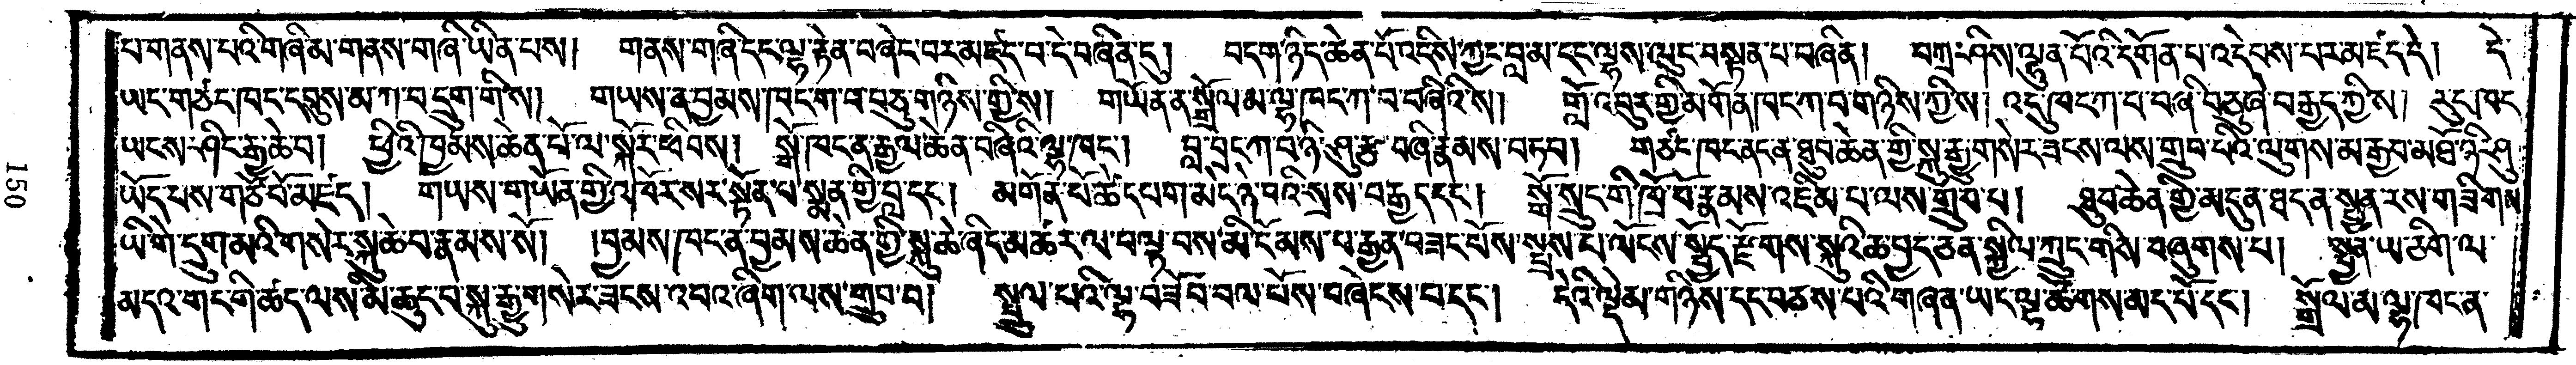པ་གནས་པའི་གཞི་མ་གནས་གཞི་ཡིན་པས། གནས་གཞི་དང་ལྷ་རྟེན་བཞེང་བར་མཛད་པ་དེ་བཞིན་དུ། བདག་ཉིད་ཆེན་པོ་འདིས་ཀྱང་བླ་མ་དང་ལྷས་ལུང་བསྟན་པ་བཞིན། བཀྲ་ཤིས་ལྷུན་པོའི་དགོན་པ་འདེབས་པར་མཛད་དེ། དེ་
ཡང་གཙང་ཁང་དབུས་མ་ཀ་བ་དྲུག་གི་ས། གཡས་ན་བྱམས་ཁང་ག་པ་བཅུ་གཉིས་གྱིས། གཡོན་ན་སྒྲོལ་མ་ལྷ་ཁང་ཀ་བ་བཞིའི་ས། གློ་འབུར་གྱི་མགོན་ཁང་ཀ་བ་གཉིས་ཀྱི་ས། འདུ་ཁང་ཀ་པ་བཞི་བཅུ་ཞེ་བརྒྱད་ཀྱིས། རུང་ཁང་
ཡངས་ཤིང་རྒྱ་ཆེ་བ། ཕྱིའི་ཁྱམས་ཆེན་པོ་ལ་སྐོར་ཕིབས། སྒོ་ཁང་ན་རྒྱལ་ཆེན་བཞིའི་ལྷ་ཁང་། བླ་བྲང་ཀ་བ་ཉི་ཤུ་རྩ་བཞི་རྣམས་བཏབ། གཙང་ཁང་ནང་ན་ཐུབ་ཆེན་གྱི་སྐུ་རྒྱུ་གསེར་ཟངས་ལས་གྲུབ་པའི་ལུགས་མ་རྒྱབ་མཐོ་ཉི་ཤུ་
ཡོད་པས་གཙོ་བོ་མཛད། གཡས་གཡོན་གྱི་འཁོར་སར་སྟོན་པ་སྨན་གྱི་བླ་དང་། མགོན་པོ་ཚེ་དཔག་མེད་ཉེ་བའི་སྲས་བརྒྱད་དང་། སྒོ་སྲུང་གི་ཁྲོ་བོ་རྣམས་འཛིམ་པ་ལས་གྲུབ་པ། ཐུབ་ཆེན་གྱི་མདུན་ཐད་ན་སྤྱན་རས་གཟིགས་
ཡི་གེ་དྲུག་མའི་གསེར་སྐུ་ཆེ་བ་རྣམས་སོ། །བྱམས་ཁང་ན་བྱམས་ཆེན་གྱི་སྐུ་ཆེ་ཞིང་མཚར་ལ་བལྟ་བས་མི་ངོམས་པ་རྒྱན་བཟང་པོས་སྤྲས་པ་ལོངས་སྤྱོད་རྫོགས་སྐུའི་ཆ་བྱད་ཅན་སྐྱིལ་ཀྲུང་གིས་བཞུགས་པ། སྤྱན་ཡ་ཅིག་ལ་
མདའ་གང་གི་ཚད་ལས་མི་ཆུང་བ་སྐུ་རྒྱུ་གསེར་ཟངས་འབའ་ཞིག་ལས་གྲུབ་པ། སྤྲུལ་པའི་ལྷ་བཟོབ་བལ་པོས་བཞེངས་པ་དང་། དེའི་ལྡེམ་གཉིས་དང་བཅས་པའི་གཞན་ཡང་ལྷ་ཚོགས་མང་པོ་དང་། སྒྲོལ་མ་ལྷ་ཁང་ན་